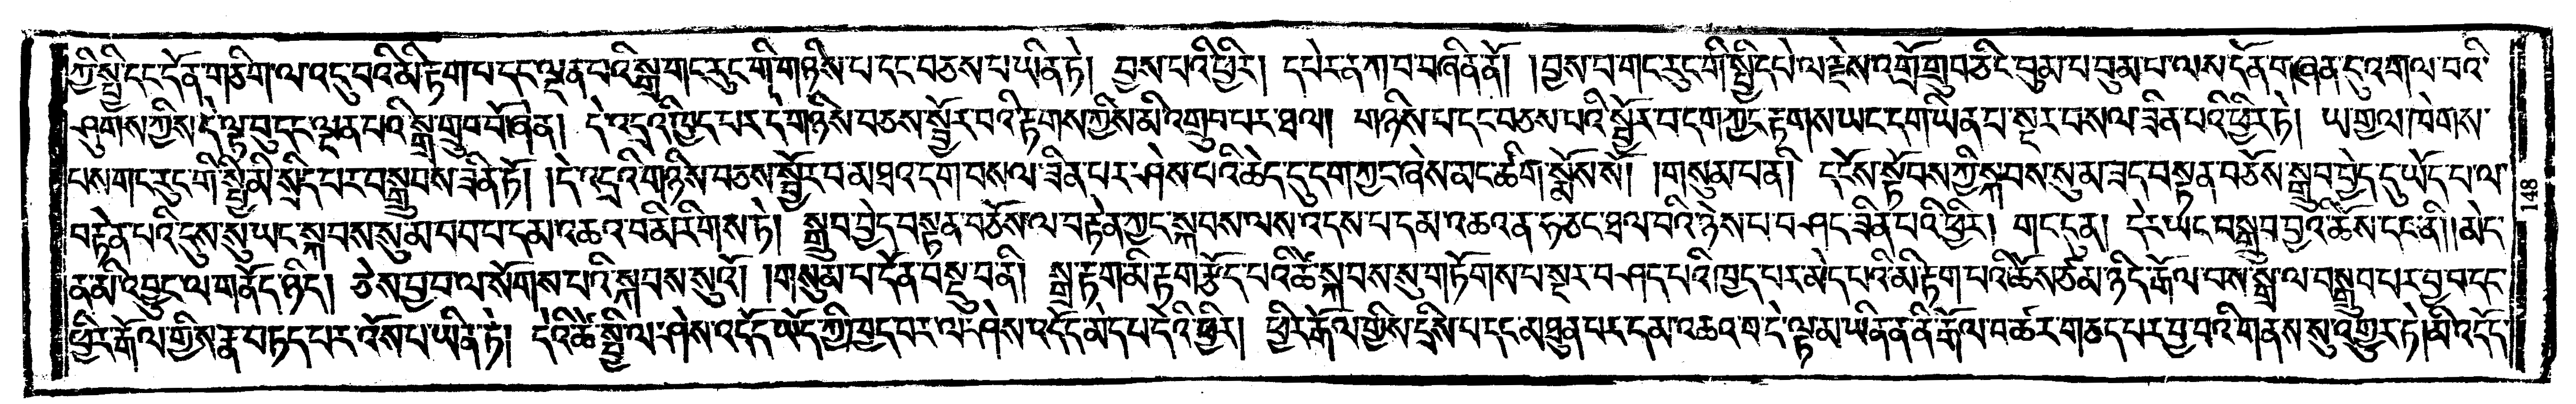ཀྱི་སྤྱི་དང་དོན་གཅིག་ལ་འདུ་བའི་མི་རྟག་པ་དང་ལྡན་པའི་སྒྲ་གང་རུང་གི་གཉིས་པ་དང་བཅས་པ་ཡིན་ཏེ། བྱས་པའི་ཕྱིར། དཔེར་ན་ཀ་བ་བཞིན་ནོ། །བྱས་པ་གང་རུང་གི་སྤྱི་དཔེ་ལ་རྗེས་འགྲོ་གྲུབ་ཅིང་བུམ་པ་བུམ་པ་ལས་དོན་གཞན་དུ་འགལ་བའི་
ཤུགས་ཀྱིས་དེ་ལྟ་བུ་དང་ལྡན་པའི་སྒྲ་གྲུབ་བོ་ཞེ་ན། དེ་འདྲའི་ཁྱད་པར་དེ་གཉིས་བཅས་སྦྱོར་བའི་རྟགས་ཀྱིས་མི་འགྲུབ་པར་ཐལ། གཉིས་པ་དང་བཅས་པའི་སྦྱོར་བ་དག་ཀྱང་རྟགས་ཡང་དག་ཡིན་པ་སྔར་བསལ་ཟིན་པའི་ཕྱིར་ཏེ། ཡ་གྱལ་ཁེགས་
པས་གང་རུང་གི་སྤྱི་མི་སྲིད་པར་བསྒྲུབས་ཟིན་ཏོ། །དེ་འདྲའི་གཉིས་བཅས་སྦྱོར་བ་མཐའ་དག་བསལ་ཟིན་པར་ཤེས་པའི་ཆེད་དུ་དག་ཀྱང་ཞེས་མང་ཚིག་སྨོས་སོ། །གསུམ་པ་ནི། དངོས་སྟོབས་ཀྱི་སྐབས་སུ་མ་ཟད་བསྟན་བཅོས་སྒྲུབ་བྱེད་དུ་ཡོད་པ་ལ་
བརྟེན་པའི་དུས་སུ་ཡང་སྐབས་སུ་མ་བབ་པ་དམ་འཆའ་བ་མི་རིགས་ཏེ། སྒྲུབ་བྱེད་བསྟན་བཅོས་ལ་བརྟེན་ཀྱང་སྐབས་ལས་འདས་པ་དམ་འཆའ་ན་ཧ་ཅང་ཐལ་བའི་ཉེས་པ་བཤད་ཟིན་པའི་ཕྱིར། གང་དུ་ན། དེར་ཡང་བསྒྲུབ་བྱའི་ཆོས་དང་ནི། །མེད་
ན་མི་འབྱུང་ལ་གནོད་ཉིད། ཅེས་བྱ་བ་ལ་སོགས་པའི་སྐབས་སུའོ། །གསུམ་པ་དོན་བསྡུ་བ་ནི། སྒྲ་རྟག་མི་རྟག་རྩོད་པའི་ཚེ་སྐབས་སུ་གཏོགས་པ་སྔར་བཤད་པའི་ཁྱད་པར་མེད་པའི་མི་རྟག་པའི་ཆོས་ཙམ་ཉིད་རྒོལ་བས་སྒྲ་ལ་བསྒྲུབ་པར་བྱ་བ་དང་
ཕྱིར་རྒོལ་གྱིས་རྣ་བཏད་པར་འོས་པ་ཡིན་ཏེ། དེའི་ཚེ་སྤྱི་ལ་ཤེས་འདོད་ཡོད་ཀྱི་ཁྱད་པར་ལ་ཤེས་འདོད་མེད་པ་དེའི་ཕྱིར། ཕྱིར་རྒོལ་གྱིས་དྲིས་པ་དང་མཐུན་པར་དམ་འཆའ་བ་དེ་ལྟ་མ་ཡིན་ན་ནི་རྒོལ་བ་ཚར་གཅད་པར་བྱ་བའི་གནས་སུ་འགྱུར་ཏེ། མི་འདོད་